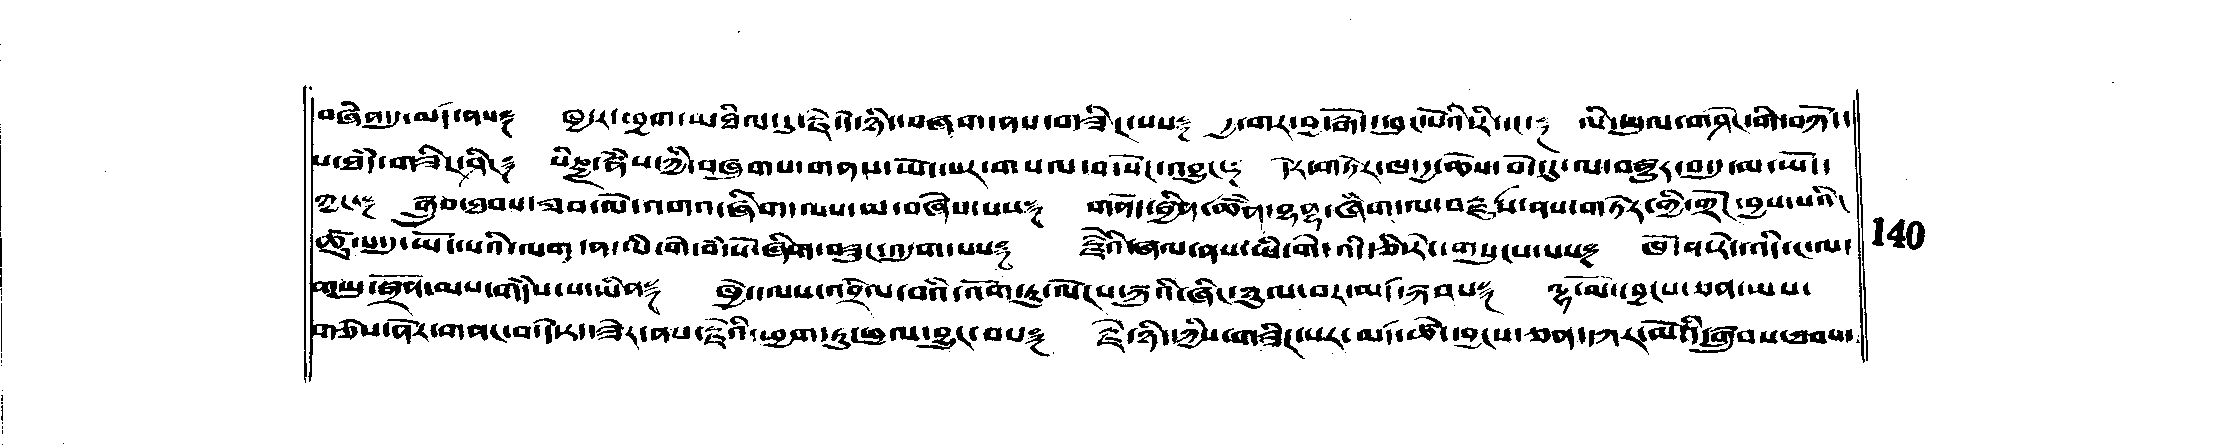བཞིན་དུ་མཛད་ནས། ཁྱད་པར་ཕྱག་འཐིལ་དུ་རྗེ་དེ་ཉིད་བཞག་ནས་གཟིགས་པས། རྒྱ་གར་བྱ་རྒོད་ཕུང་པོའི་རི་དང་། ལི་ཡུལ་གཤོང་གི་བཀོད་
པ་ཐམས་ཅད་གཟིགས་ཤིང་། པིཎྱ་རྣམས་ཀྱི་བཞུགས་གནས་ཡོད་པར་གསལ་བ་སོགས་འབྱུང་། དེར་གཏེར་ཁ་རྒྱ་ཆོས་བོད་དུ་མ་བསྒྱུར་བ་དུ་མ་ཡོད་
ཀྱང་། སྒྲུབ་ཐབས་ཟབ་མོ་འགའ་ཞིག་ལས་མ་བཞེས་པས། གནོད་སྦྱིན་ཆེན་པོ་བྷནྡྷ་ཞིག་ལ་བརྫུས་ནས་གཏེར་གྱི་གྲོགས་བྱས་པའི་
ཚུལ་དུ་ཡོད་པའི་ལག་ན་ཡི་གེ་བམ་པོ་ཞིག་བཟུང་འདུག་པས།རྗེའི་ཞལ་ནས་ཡི་གེ་འདི་ཅི་རེད་གསུངས་པས། ཁོ་ན་རེ་འདི་ང་ལ་
གཡུ་སྒྲོན་མས་གདམས་པ་ཡིན། ཁྱེད་ལས་འབྲེལ་བའི་འོག་ཏུ་ལོངས་སྐུའི་ཞིང་ཉུལ་བར་མཛད་སྐབས། ལྷ་མོ་དབྱངས་ཅན་མས་
གཅེས་ནོར་གནང་བ་དེ་རེད་ཟེར་ནས་རྗེའི་ཕྱག་ཏུ་ཕུལ་བྱུང་བས། རྗེ་ཉིད་ཀྱི་གཟིགས་པར་མཛད་ཚེ་དབྱངས་ཅན་དཀར་མོའི་སྒྲུབ་ཐབས་